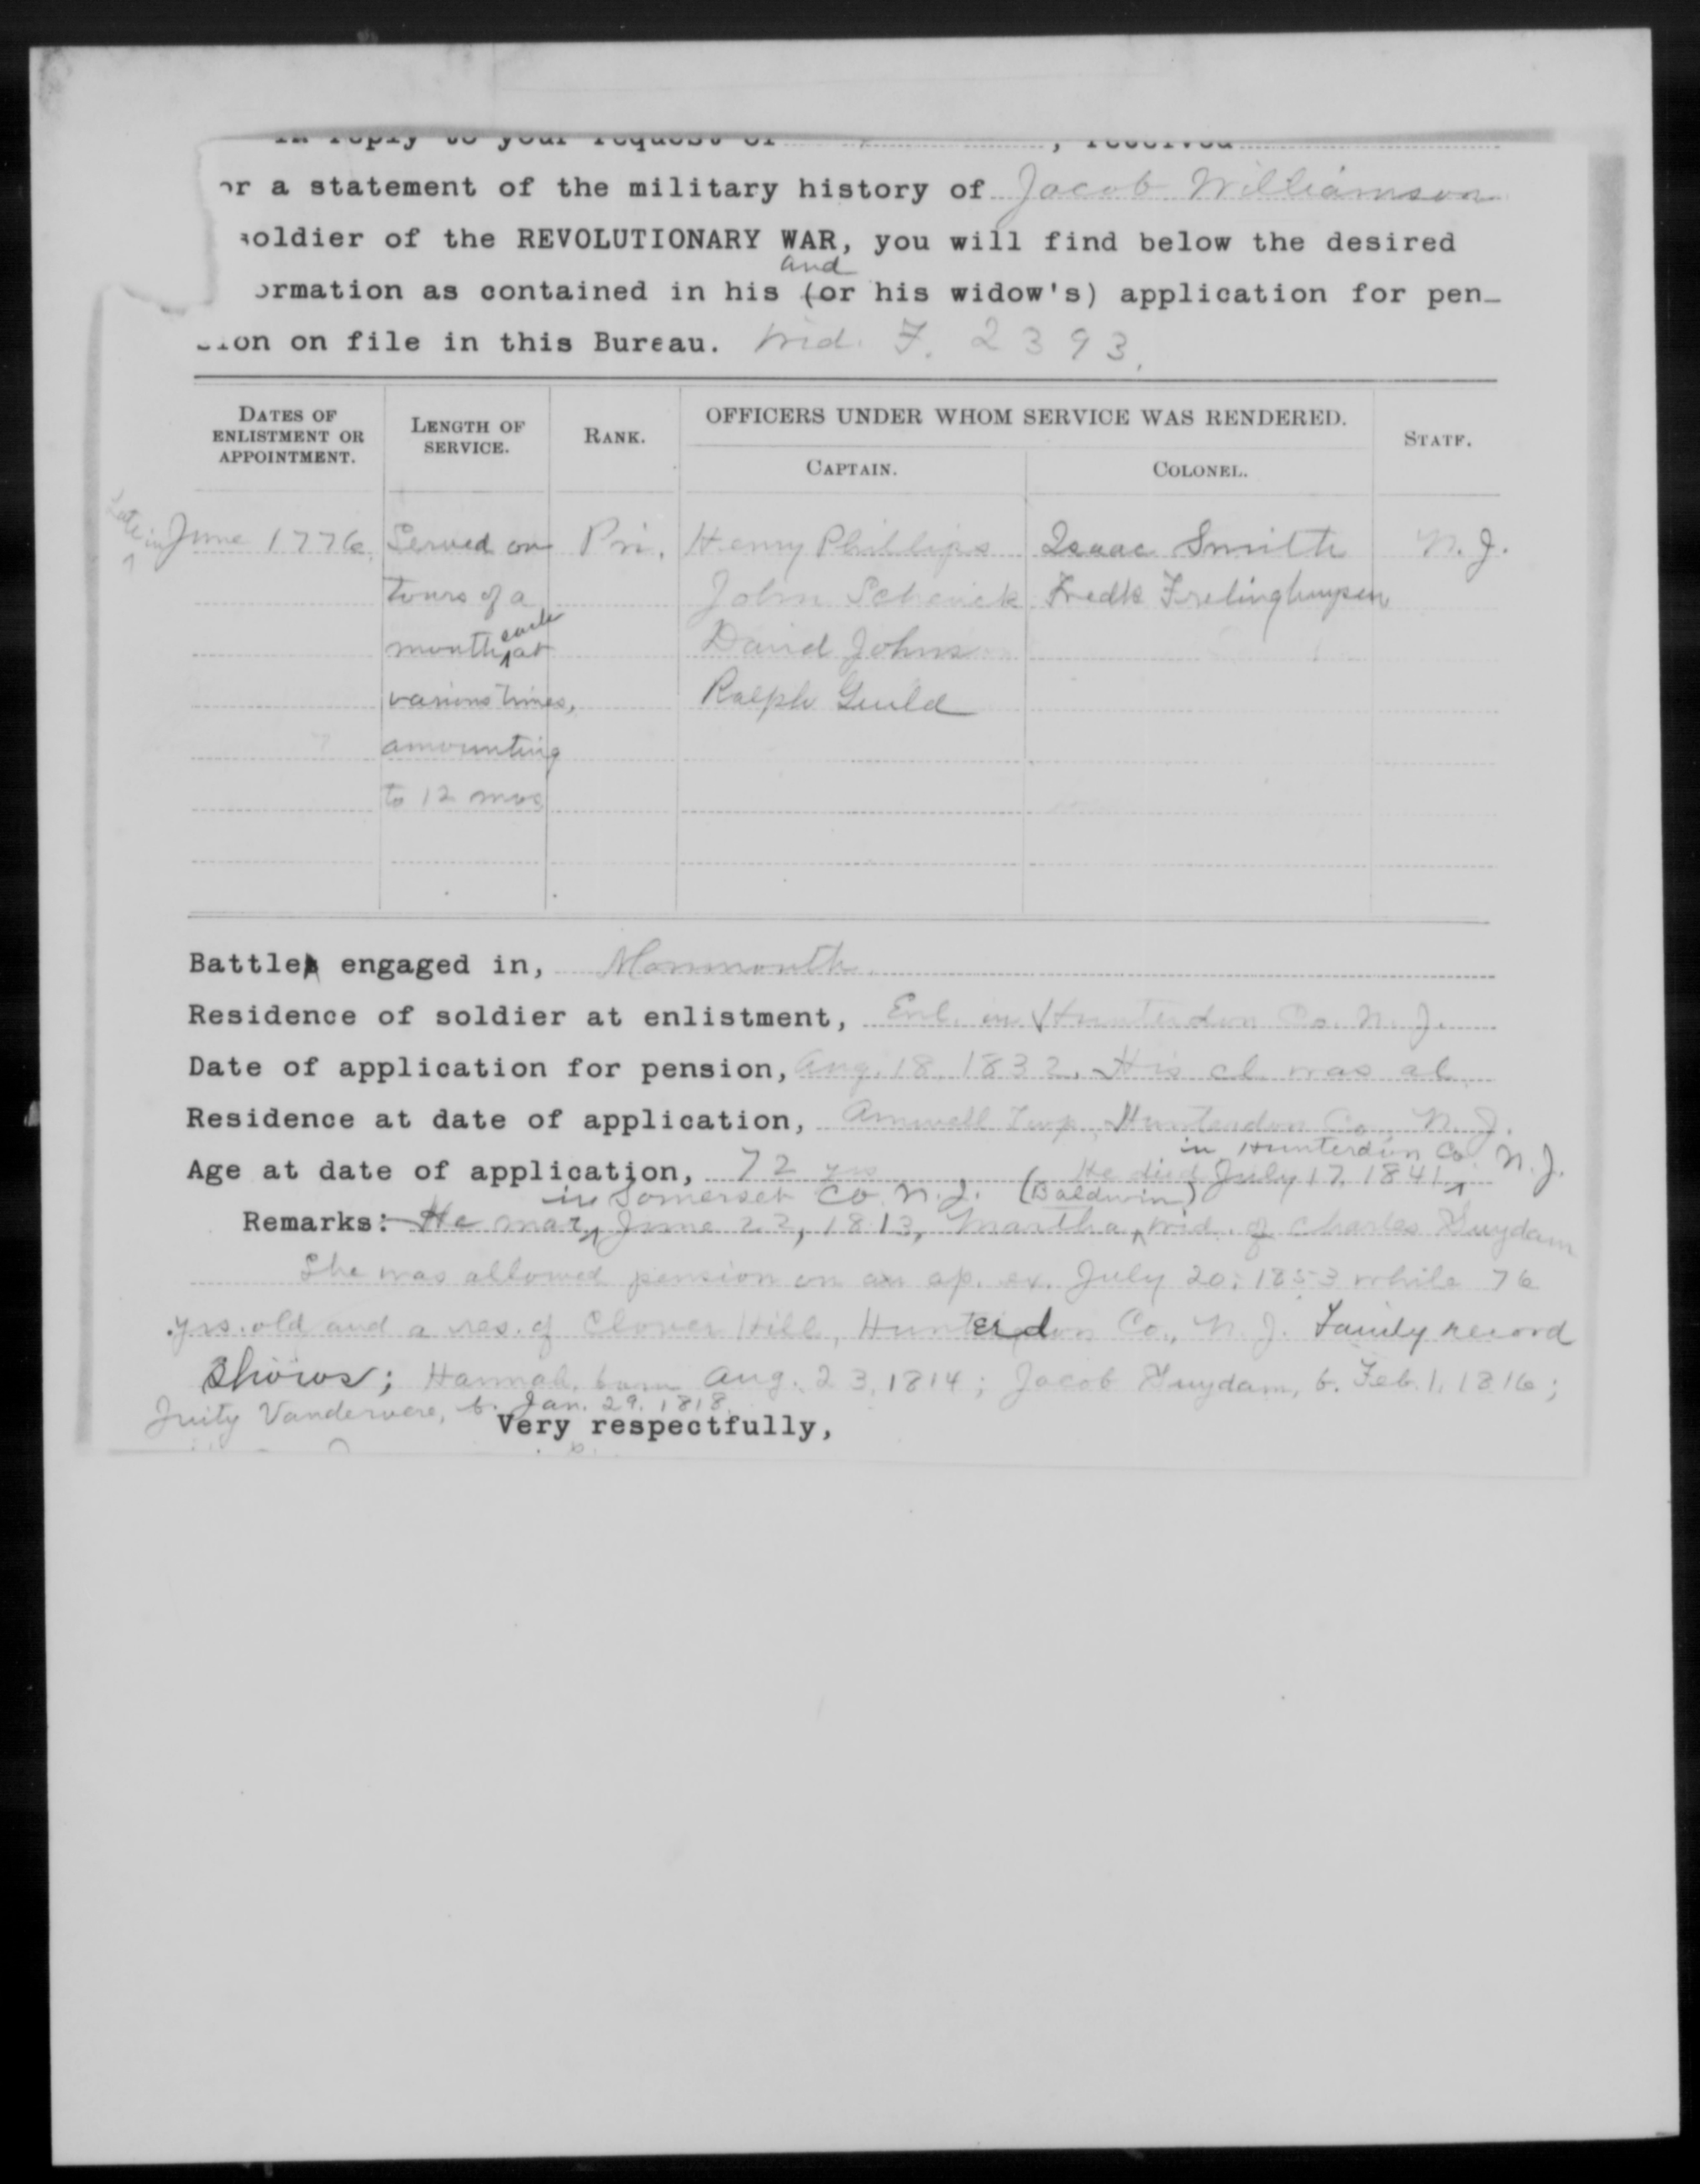[illegible]
In reply to your request of (blank), received (blank) for a statement of the military history of Jacob Williamson, a soldier of the REVOLUTIONARY WAR, you will find below the desired information as contained in his ([crossed out: or] and his widow's) application for pension on file in this Bureau. Wid(ow) F.2393.

DATES OF ENLISTMENT OR APPOINTMENT. | LENGTH OF SERVICE. | RANK. | OFFICERS UNDER WHOM SERVICE WAS RENDERED. (CAPTAIN/COLONEL) | STATE.
Late in June 1776 | Served on tours of a month each at various times amounting to 12 mos. | Pri(vate) | Henry Phillips, John Schenck, David Johns, Ralph Guild | Isaac Smith, Fred(erick) Frelinghuysen | N.J.

Battle engaged in, Monmouth.
Residence of soldier at enlistment, Enl(isted) in Hunterdon Co., N.J.
Date of application for pension, Aug. 18, 1832. His cl(aim) was all(owed).
Residence at date of application, Amwell Township, Hunterdon Co., N.J.
Age at date of application, 72 yrs. (He died July 17, 1841 in Hunterdon Co., N.J.
Remarks: He mar(ried) in Somerset Co., N.J. June 22, 1813, Martha (Baldwin) wid(ow) of Charles Suydam. She was allowed pension on an ap(plication) ex(ecuted) July 20, 1853 while 76 yrs. old and a res(ident) of Clover Hill, Hunterdon Co., N.J. Family record shows: Hannah born Aug. 23, 1814; Jacob Suydam b(orn) Feb. 1, 1816; Juity Vandervere b(orn) Jan. 29, 1818.

Very Respectfully,
[illegible]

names: Ralph Guild, Juity Sanderver, John Schenck, Charles Suydam, Jacob Williamson, Isaac Smith, Martha Baldwin, David Johns, Jacob Suydam, Henry Phillips, Fredk Frelinghuysen, Hannah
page: 66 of 67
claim: widow's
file: W. 2393, Jacob Williamson, New Jersey